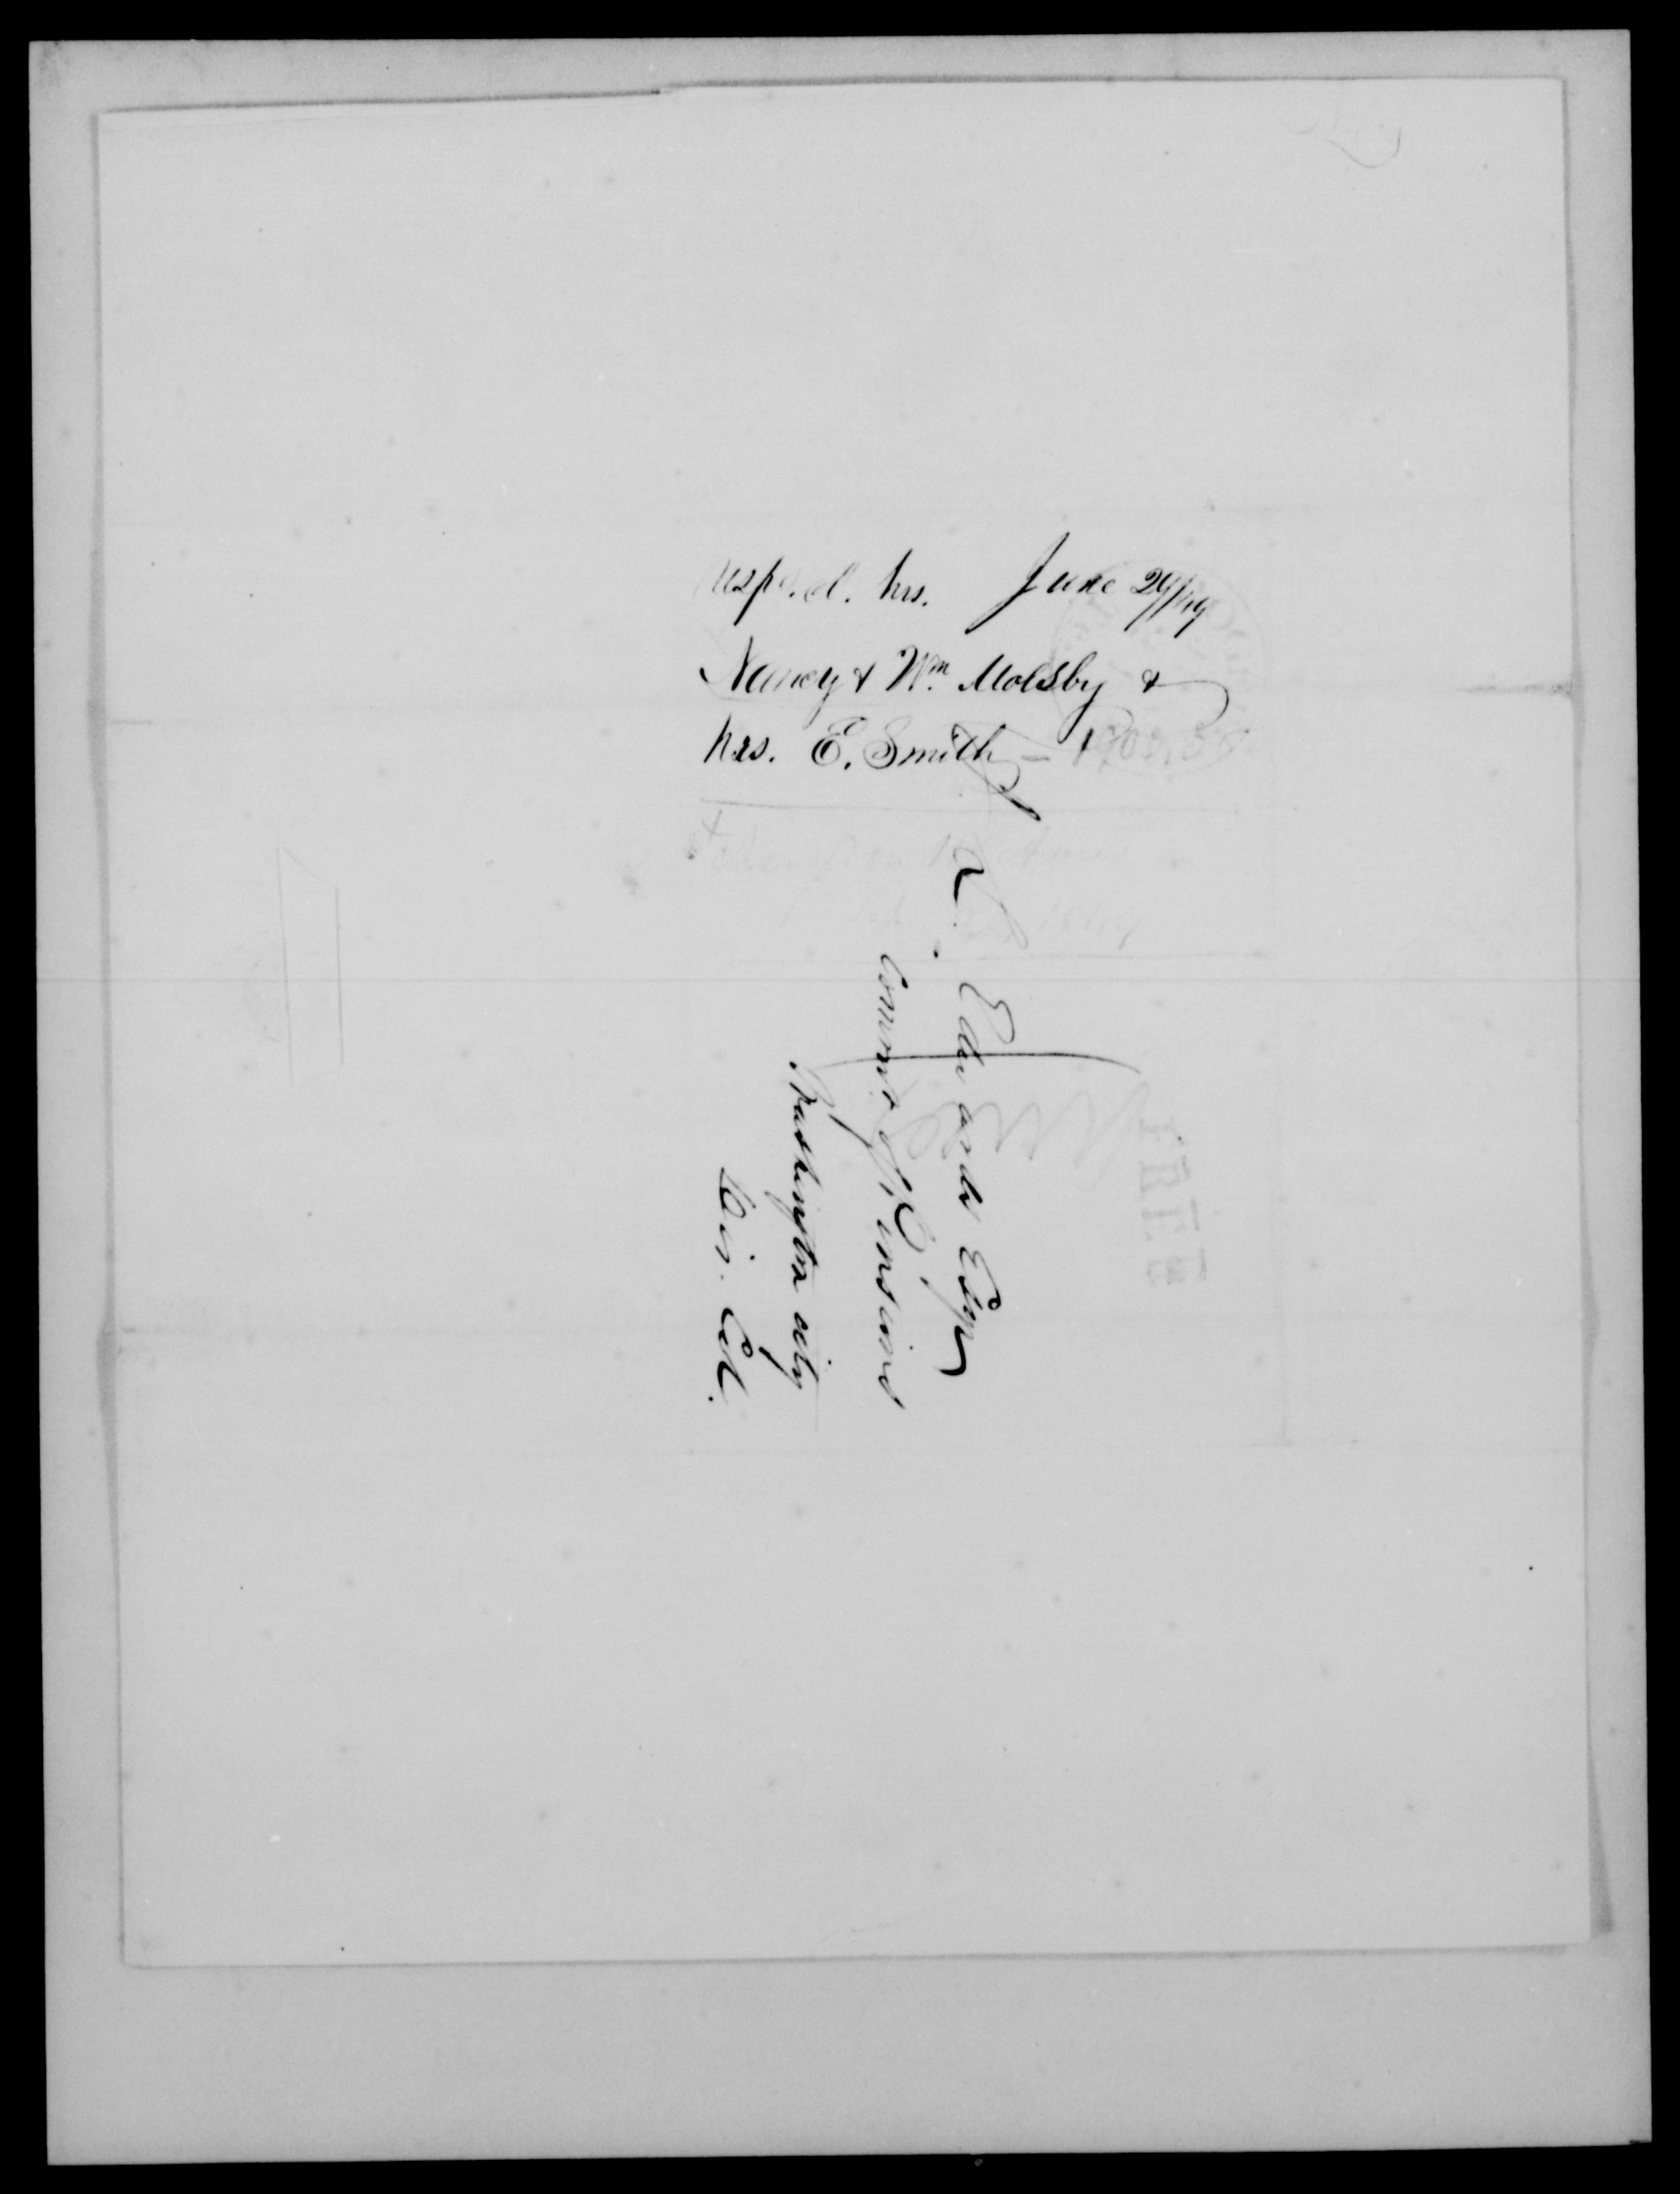respect. his. June 29/ [illegible]
Nancy & Wm Molsby &
Mrs. E. Smith_ [illegible]

[illegible postal stamp]

FREE
J . L.  Edwards Esq
Comr of Pensions
Washington City
Dis. Col.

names: E Smith; Nancy Molsby; Wm Molsby; J L Edwards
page: 65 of 79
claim: widow's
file: W. 1504, for Robert Smith, North Carolina